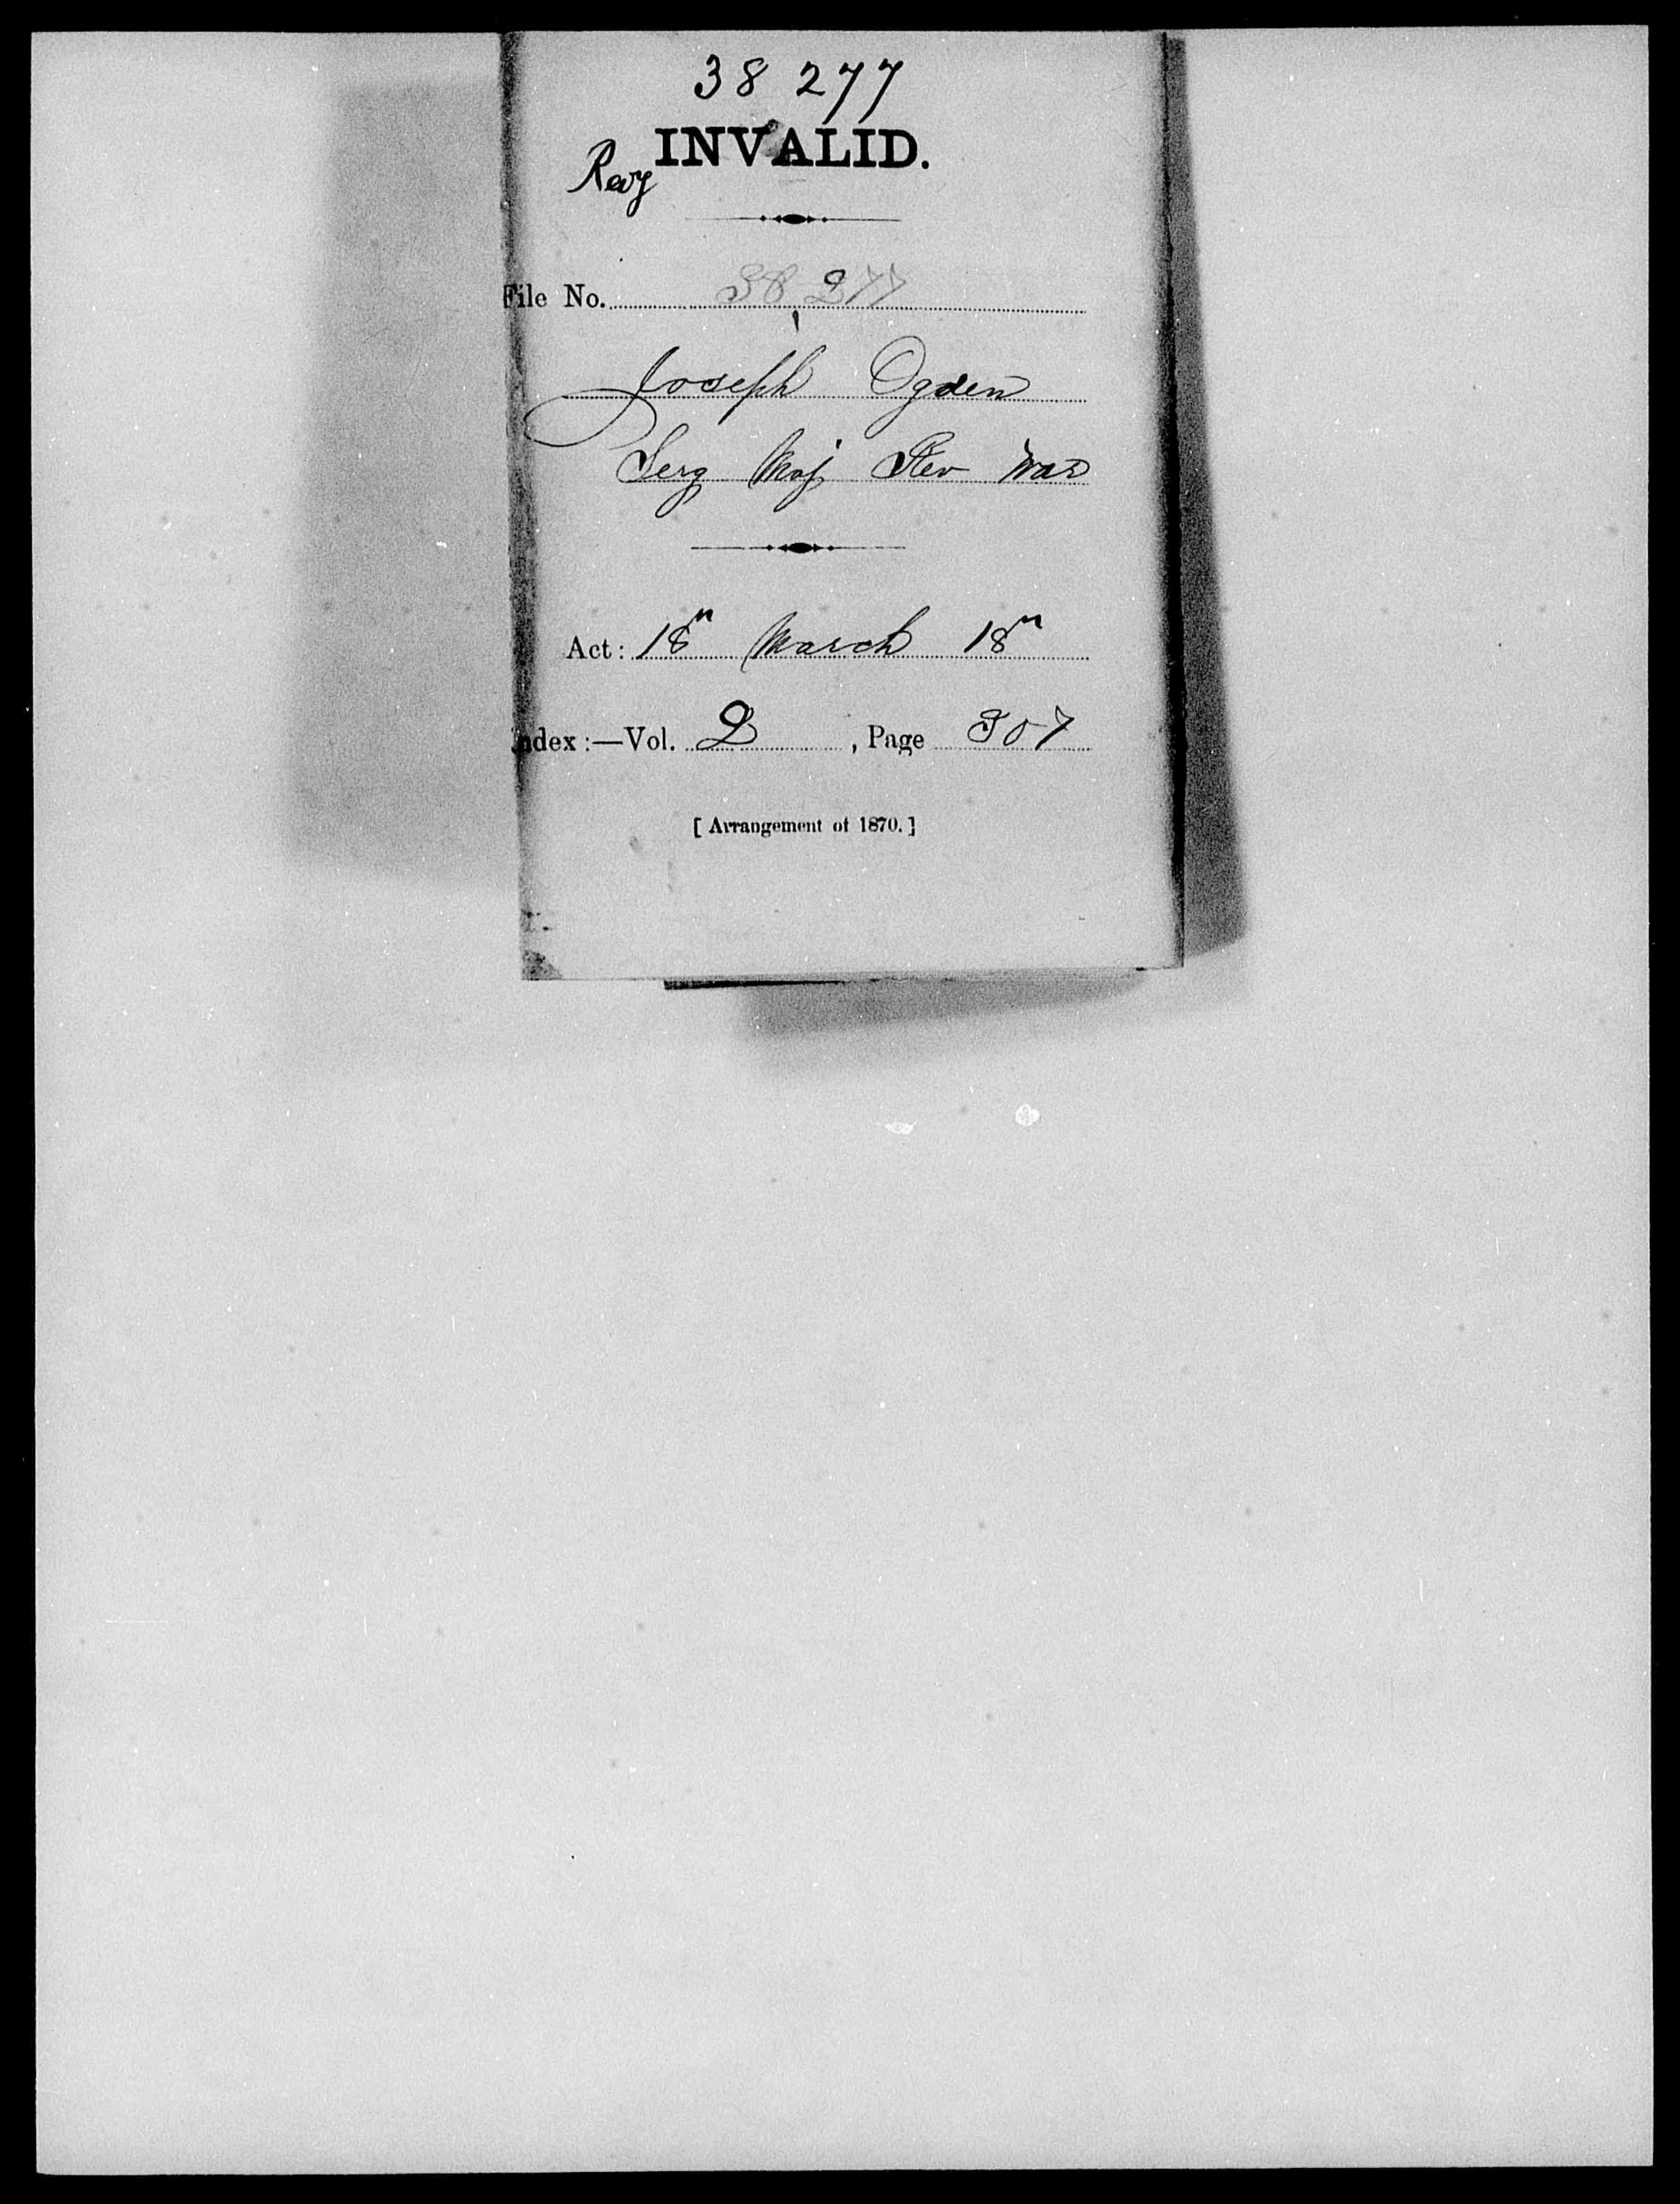38277
INVALID.
Revy
File No. 38,277
Joseph Ogden
Serg Maj of Rev War
Act: 18" March 18"
Index:- Vol. 2, Page 30
[Arrangement of 1870.]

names: Joseph Ogden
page: 12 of 15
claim: survivor's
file: S. 38,277, for Joseph Ogden, Connecticut